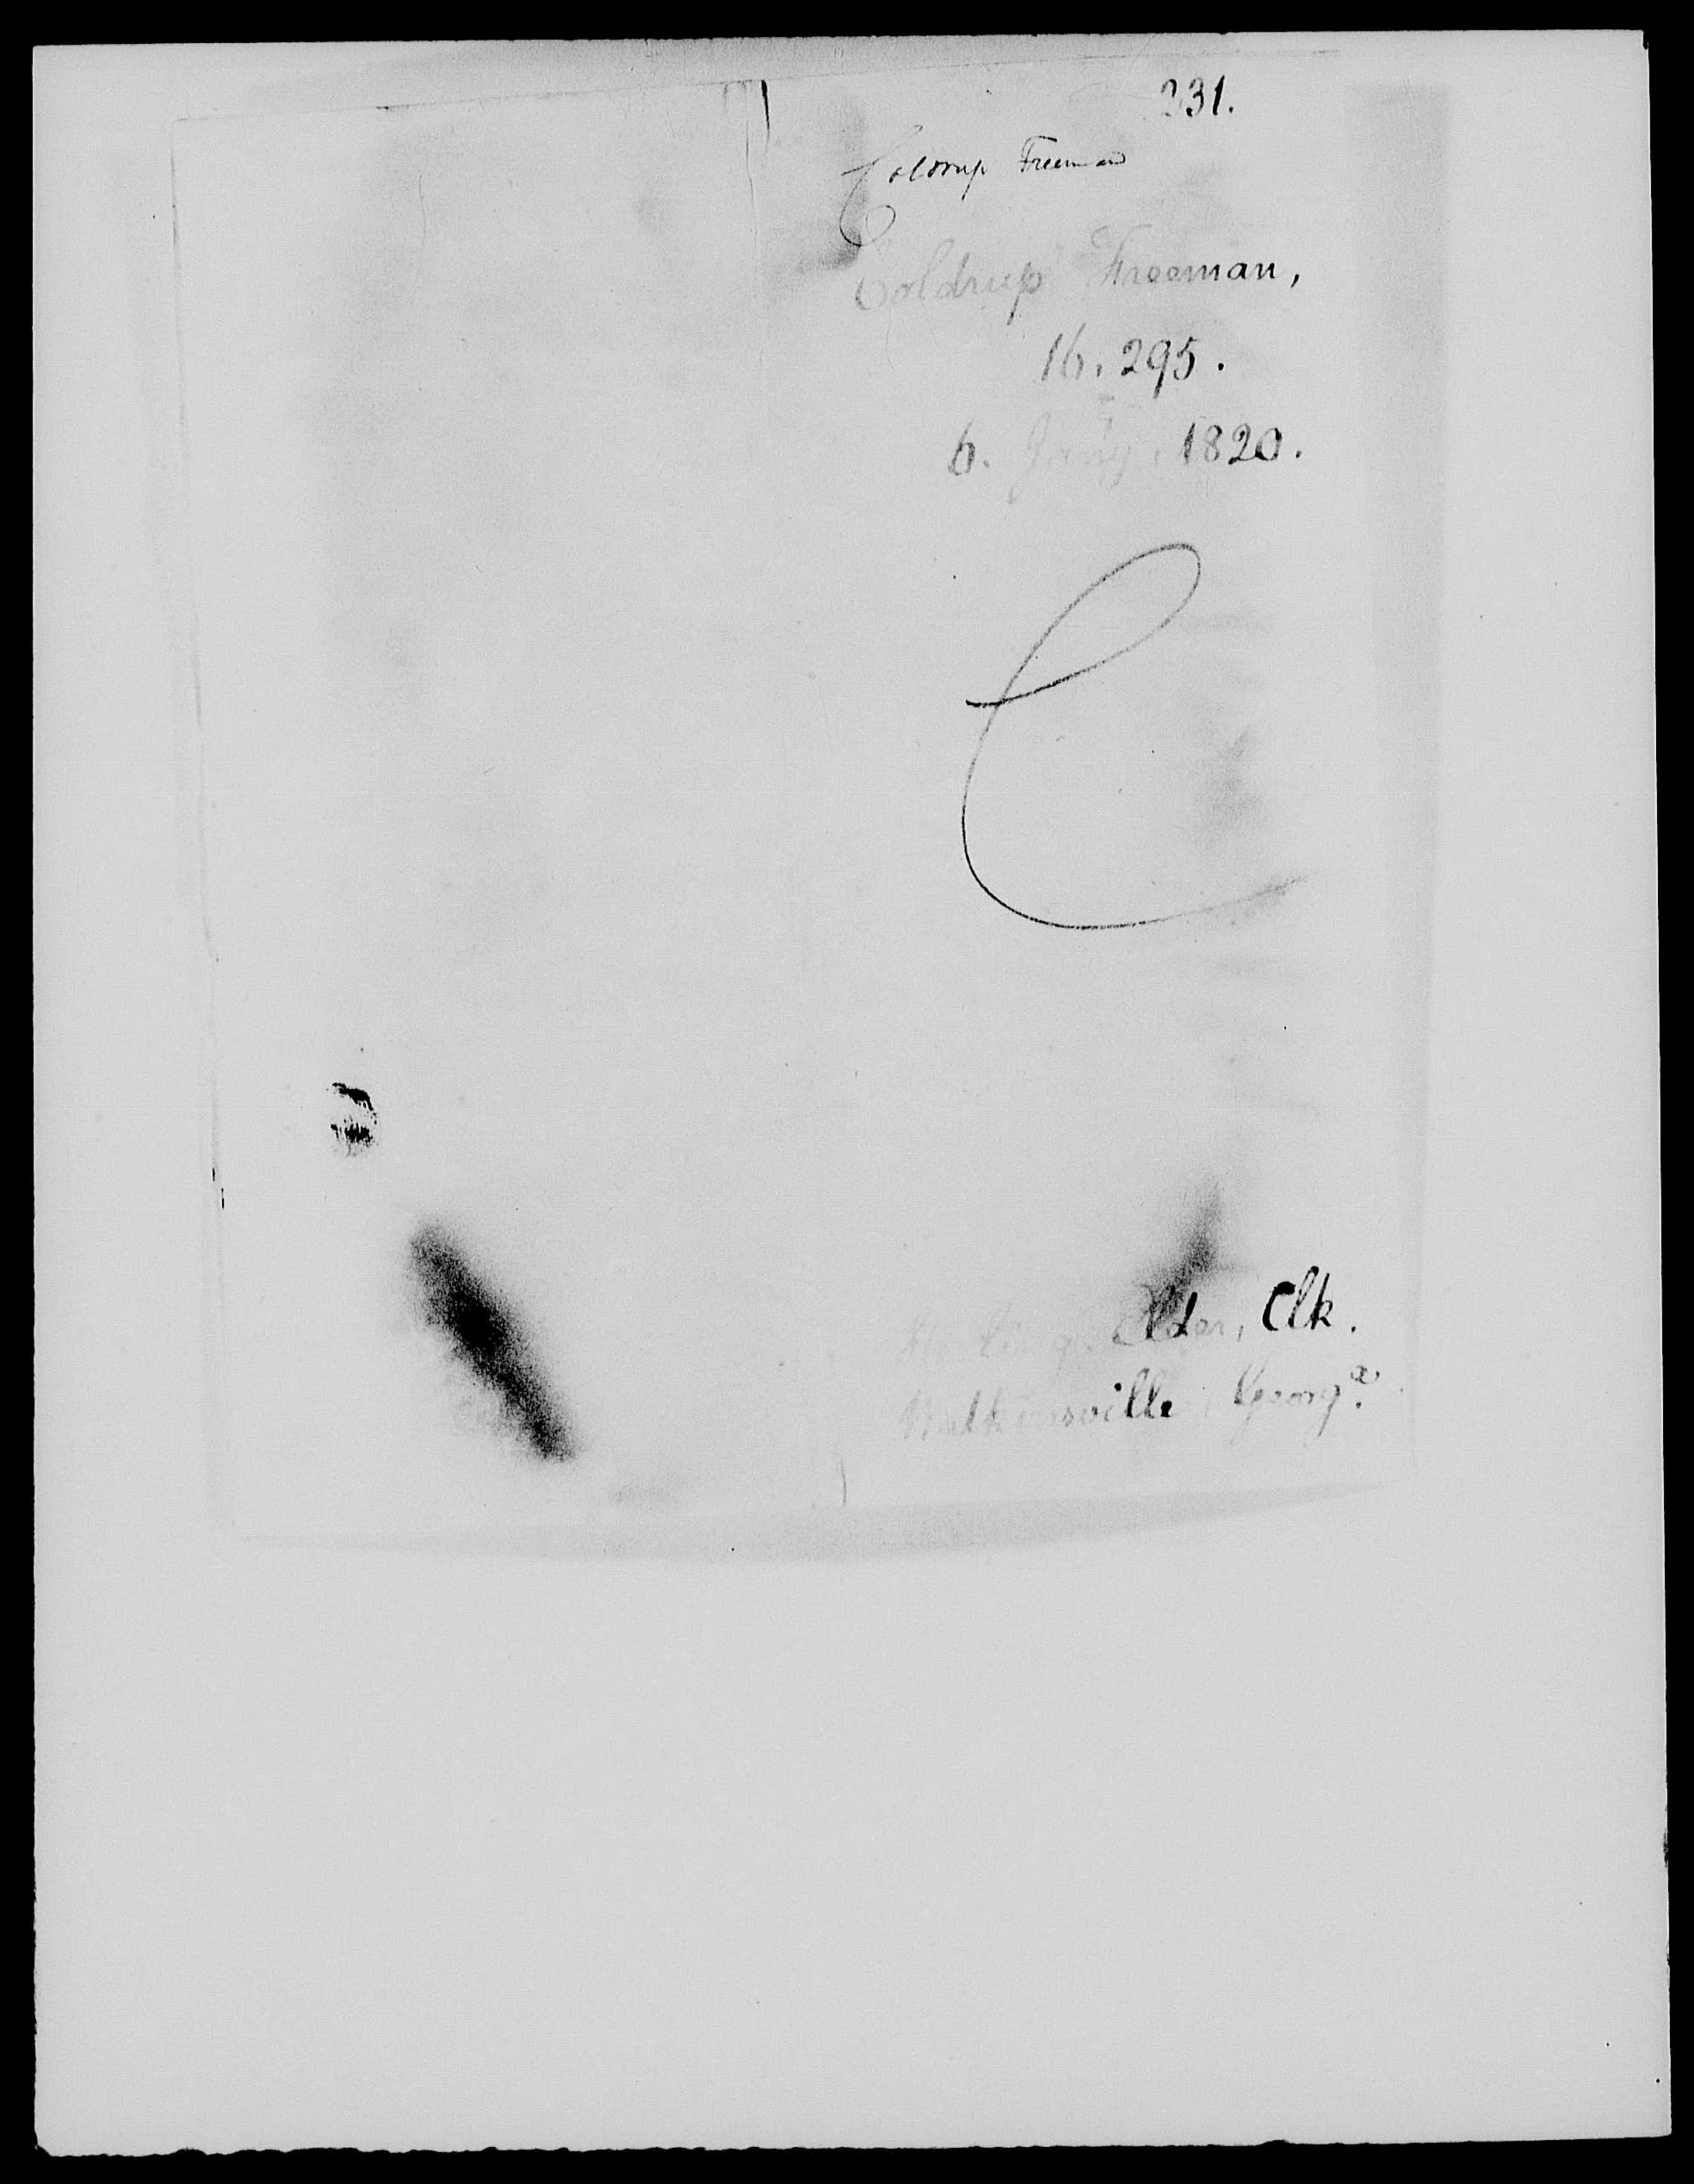231.

Coldrup Freeman

Coldrup Freeman,
b. Jany, 1820.

Sterling Elder, Clk.
Watkinsville, Georga.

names: Sterling Elder, Coldrup Freeman, Coldrup Freeman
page: 8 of 15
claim: survivor's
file: S. 37,941, Coldrup Freeman, Va.